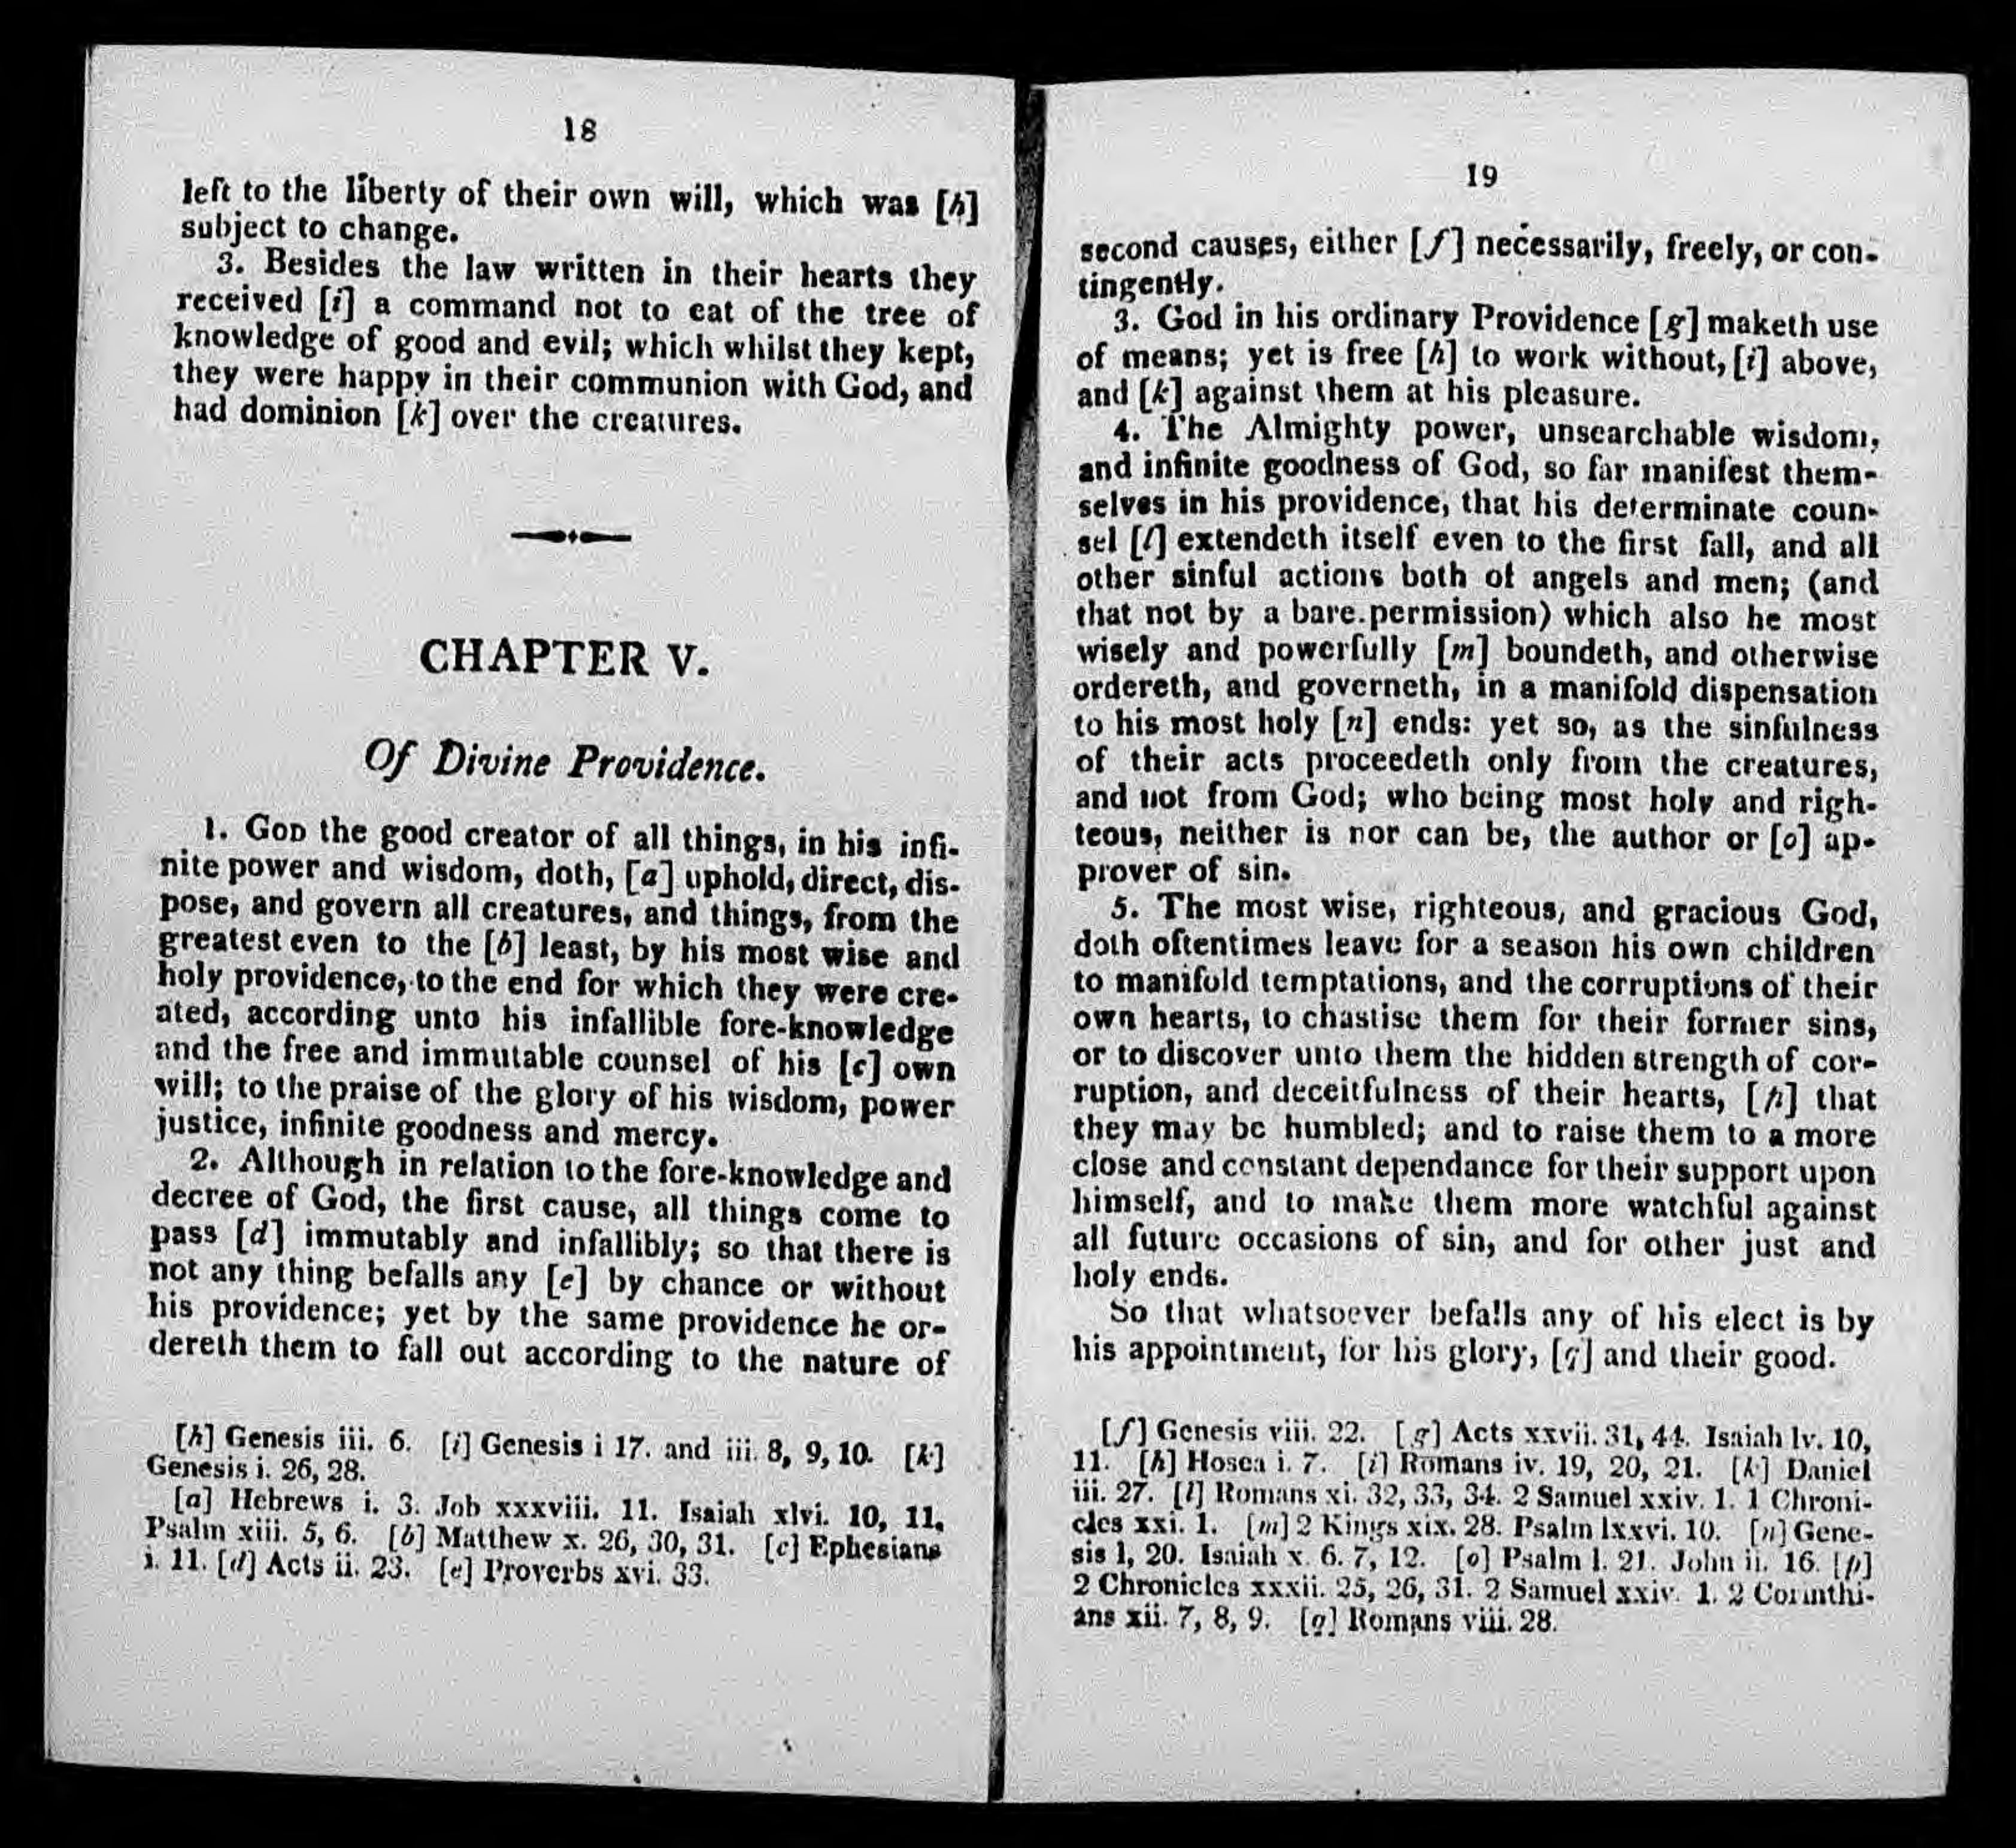18
left to the liberty of their own will, which was [h]
subject to change.

3. Besides the law written in their hearts they
received [f] a command not to eat of the tree of
knowledge of good and evil; which whilst they kept,
they were happy in their communion with God, and
had dominion [k] over the creatures.
--------------

CHAPTER V.

Of Divine Providence.

1 God the good creator of all things, in his infi
nite power and wisdom, doth, [a] uphold, direct dispose, and govern all creatures, and things, from the
greatest even to the (b) least, by his most wise and
holy providence, to the end for which they were reated, according unto his infallible foreknowledge
and the free and immutable counsel of his [c] own
will to the praise of the glory of his wisdom, power
justice, infinite goodness and mercy.

2. Although in relation to the foreknowledge and
decree of God, the first cause, all things come to
pass [d] immutably and infallibly; so that there is
not any thing befalls any [e] by chance or without
his providence; yet by the same providence he or
dereth them to fall out according to the nature of

[h] Genesis ii. 6. [i] Genesis 17, and 18, 9, 10. [k]
Genesis i, 26, 28.
[a] Hebrews i. 3. Job xxxviii. 11. Isaiah xlvi. 10, 11,
Psalm xii. 5, 6. [b] Matthew x. 26, 30, 31. [c]Ephesians
11. [d]Acts ii. 23. [e] Proverbs xxvi, 33.


19
second causes, either [f] necessarily, freely, or con
tingently.

3. God in his ordinary Providence [g] maketh use
of means; yet is free [h]to work without, [f] above,
and [k] against them at his pleasure.

4. The Almighty power, unsearchable wisdom,
and infinite goodness of God, so far manifest themselves
in his providence, that his determinate counsel
[f] extendeth itself even to the first fall, and all
other sinful actions both of angels and men; (and
that not by a bare permission) which also he most
wisely and powerfully [m] boundeth, and otherwise
ordereth, and governeth, in a manifold dispensation
to his most holy [n] ends: yet so, as the sinfulness
of their acts proceedeth only from the creatures,
and not from God; who being most holy and righteous
, neither is nor can be, the author or [o] approver
of sin-

5. The most wise, righteous, and gracious God,
doth oftentimes leave for a season his own children
to manifold temptations, and the corruptions of their
own hearts, to chastise them for their former sins,
or to discover unto them the hidden strength of corruption
, and deceitfulness of their hearts, [p] that
they may be humbled; and to raise them to a more
close and constant dependance for their support upon
himself, and to make them more watchful against
all future occasions of sin, and for other just and
holy ends.

So that whatsoever befalls any of his elect is by
his appointment, for his glory, [q] and their good.

[f] Genesis viii. 22. [g] Acts xxvii. 31,44. Isaiah lv. 10,
11. [h] Hosea i. 7. [i] Romans iv. 19, 20, 21. (2) Daniel
27. [l] Romans xi. 32, 33, 34. 2 Samuel xxiv. 1. 1 Chronicles
xxi. 1. [m] 2 Kings xix. 28. Psalm xxvi. 10. ( Genesis
1, 20. Isaiah x. 6. 7, 12. (o) Psalm 121, John 11. 16. 11
2 Chronicles xxxii. 25, 26, 312 Samuel xxiv. 12 Corinthians
xii. 7, 8, 9. (q) Romans vili. 28.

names: Matthew, John, Isaiah, Hosea, Samuel, Daniel, Samuel, Job, Isaiah, Isaiah, Kings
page: 21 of 98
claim: widow's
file: W. 8398, William Broadway, S.C.